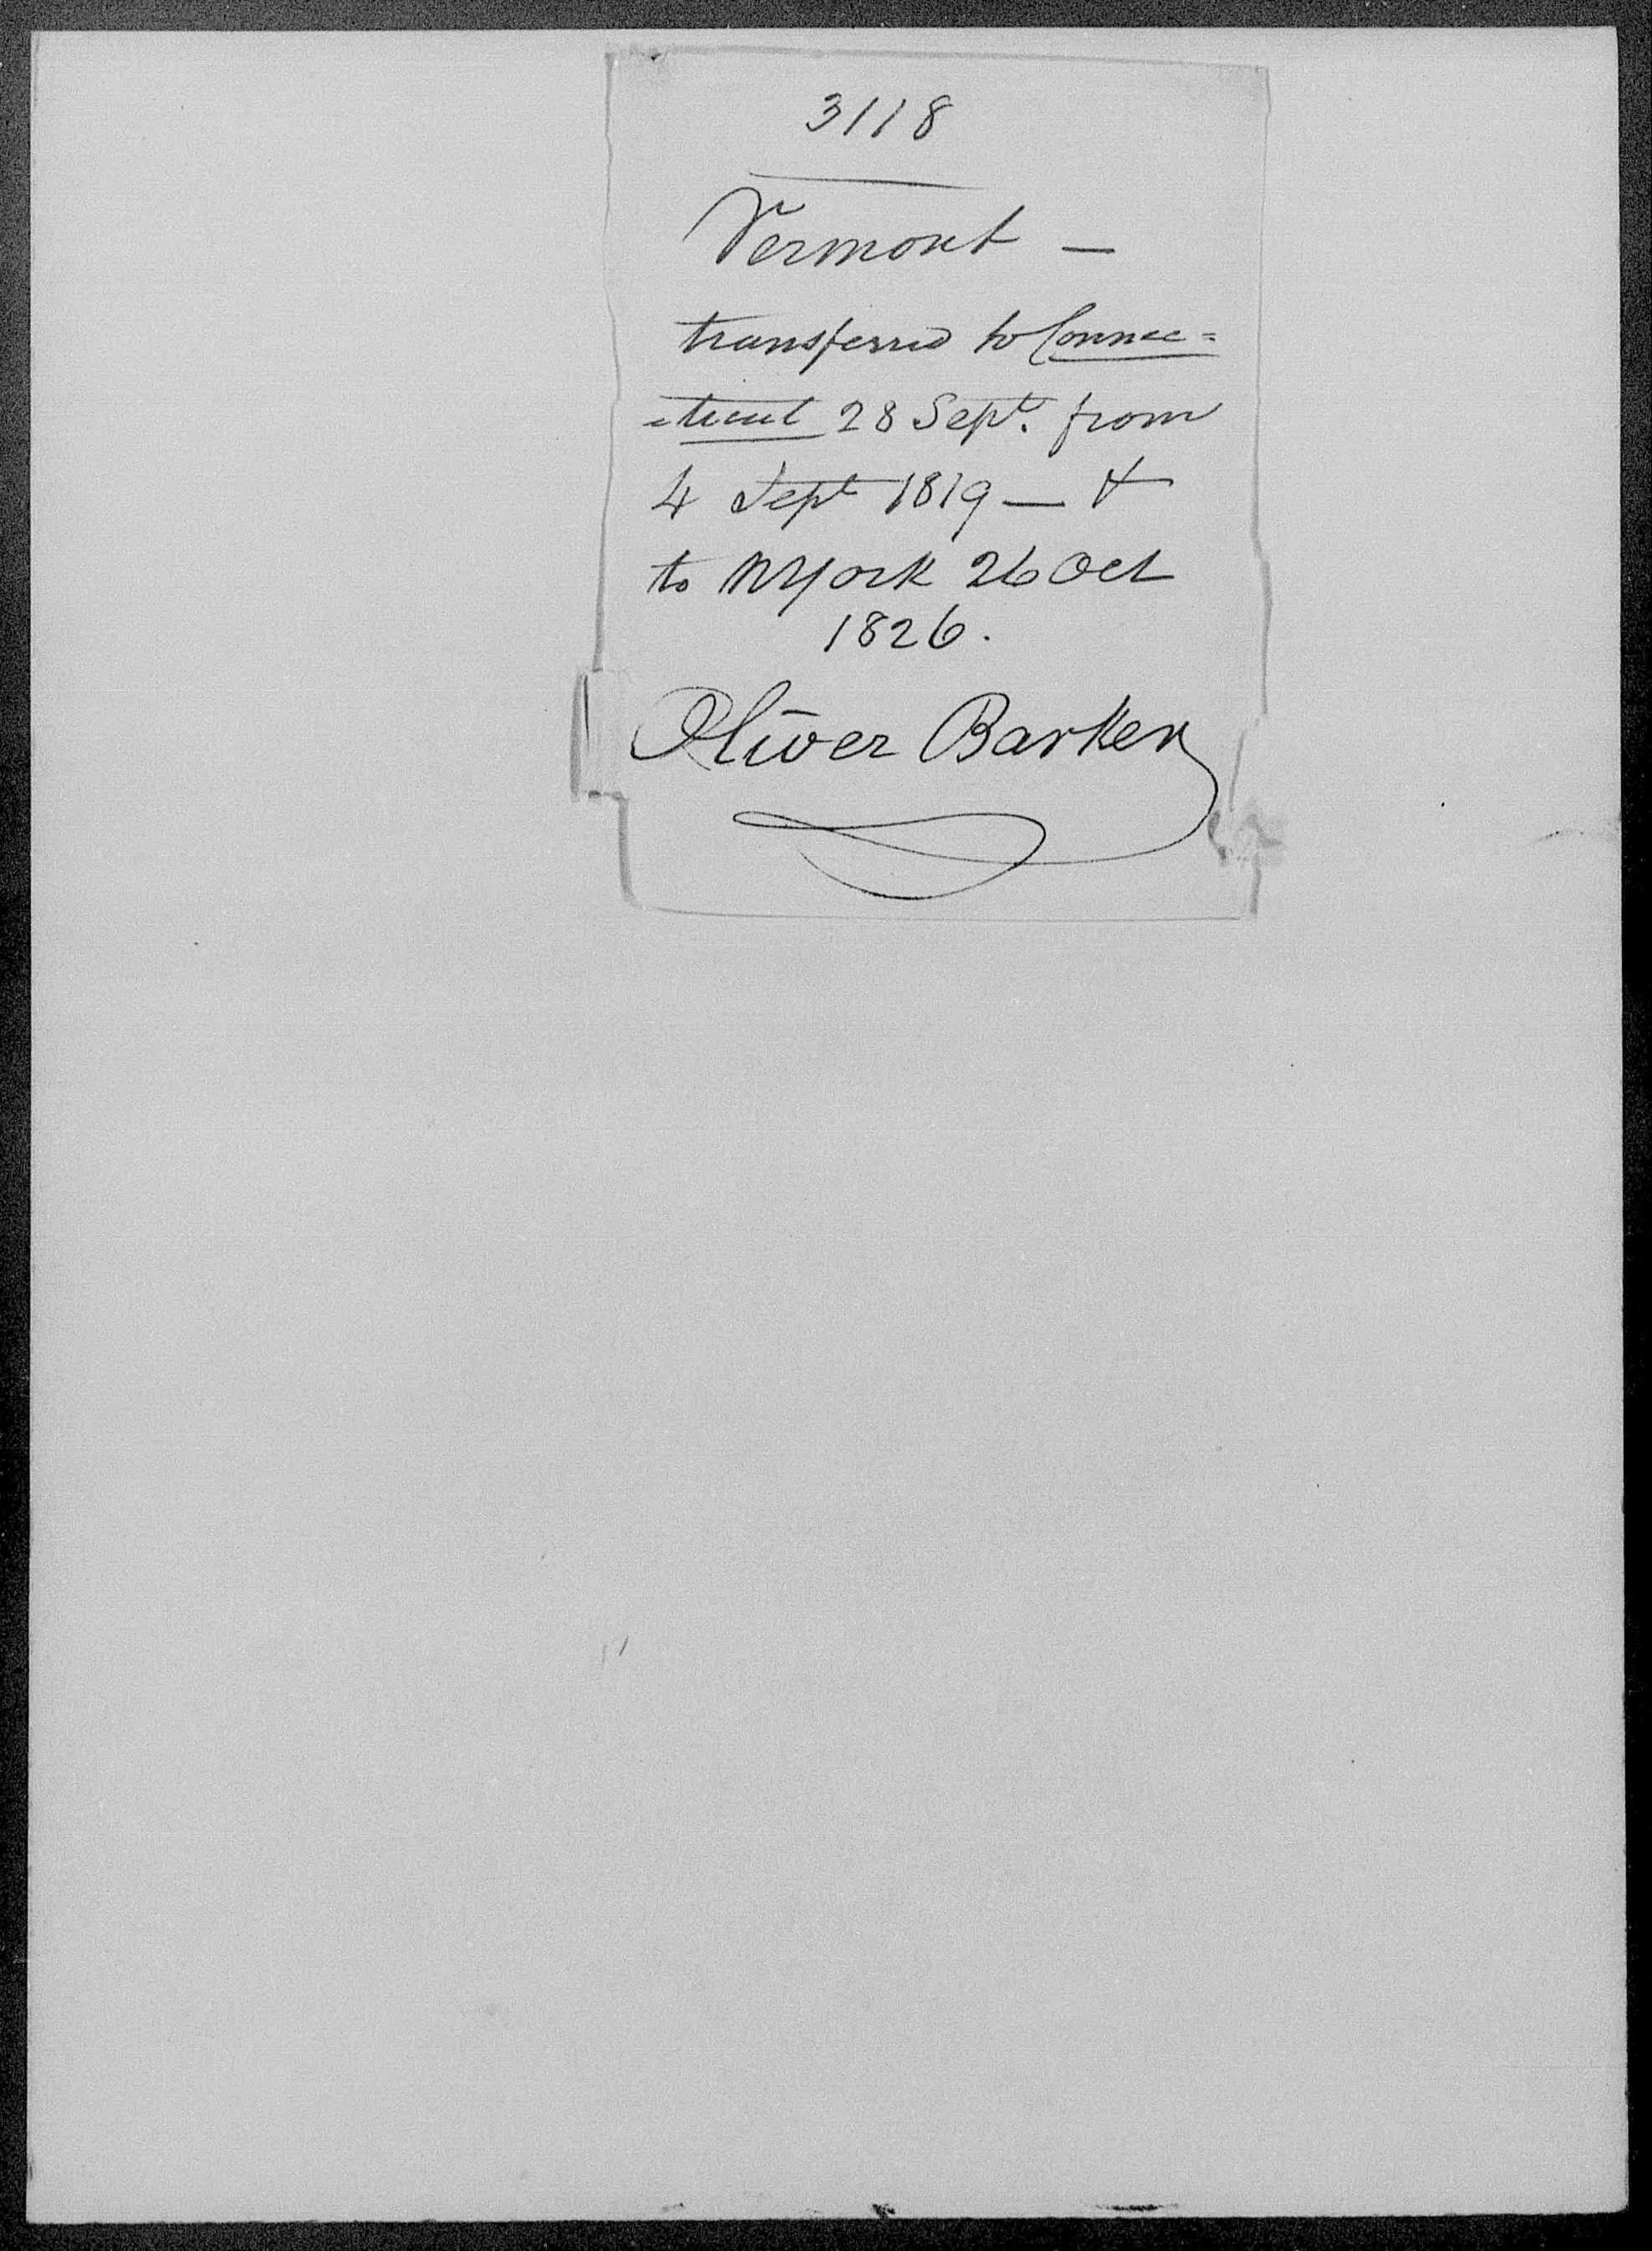3118 
Vermont 
transferred to Connecticut 28 Sept from 4 Sept 1819 & to N York 26 Oct 1826. 
Oliver Barker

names: Oliver Barker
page: 30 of 51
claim: widow's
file: W. 1698, Oliver Barker, Conn.